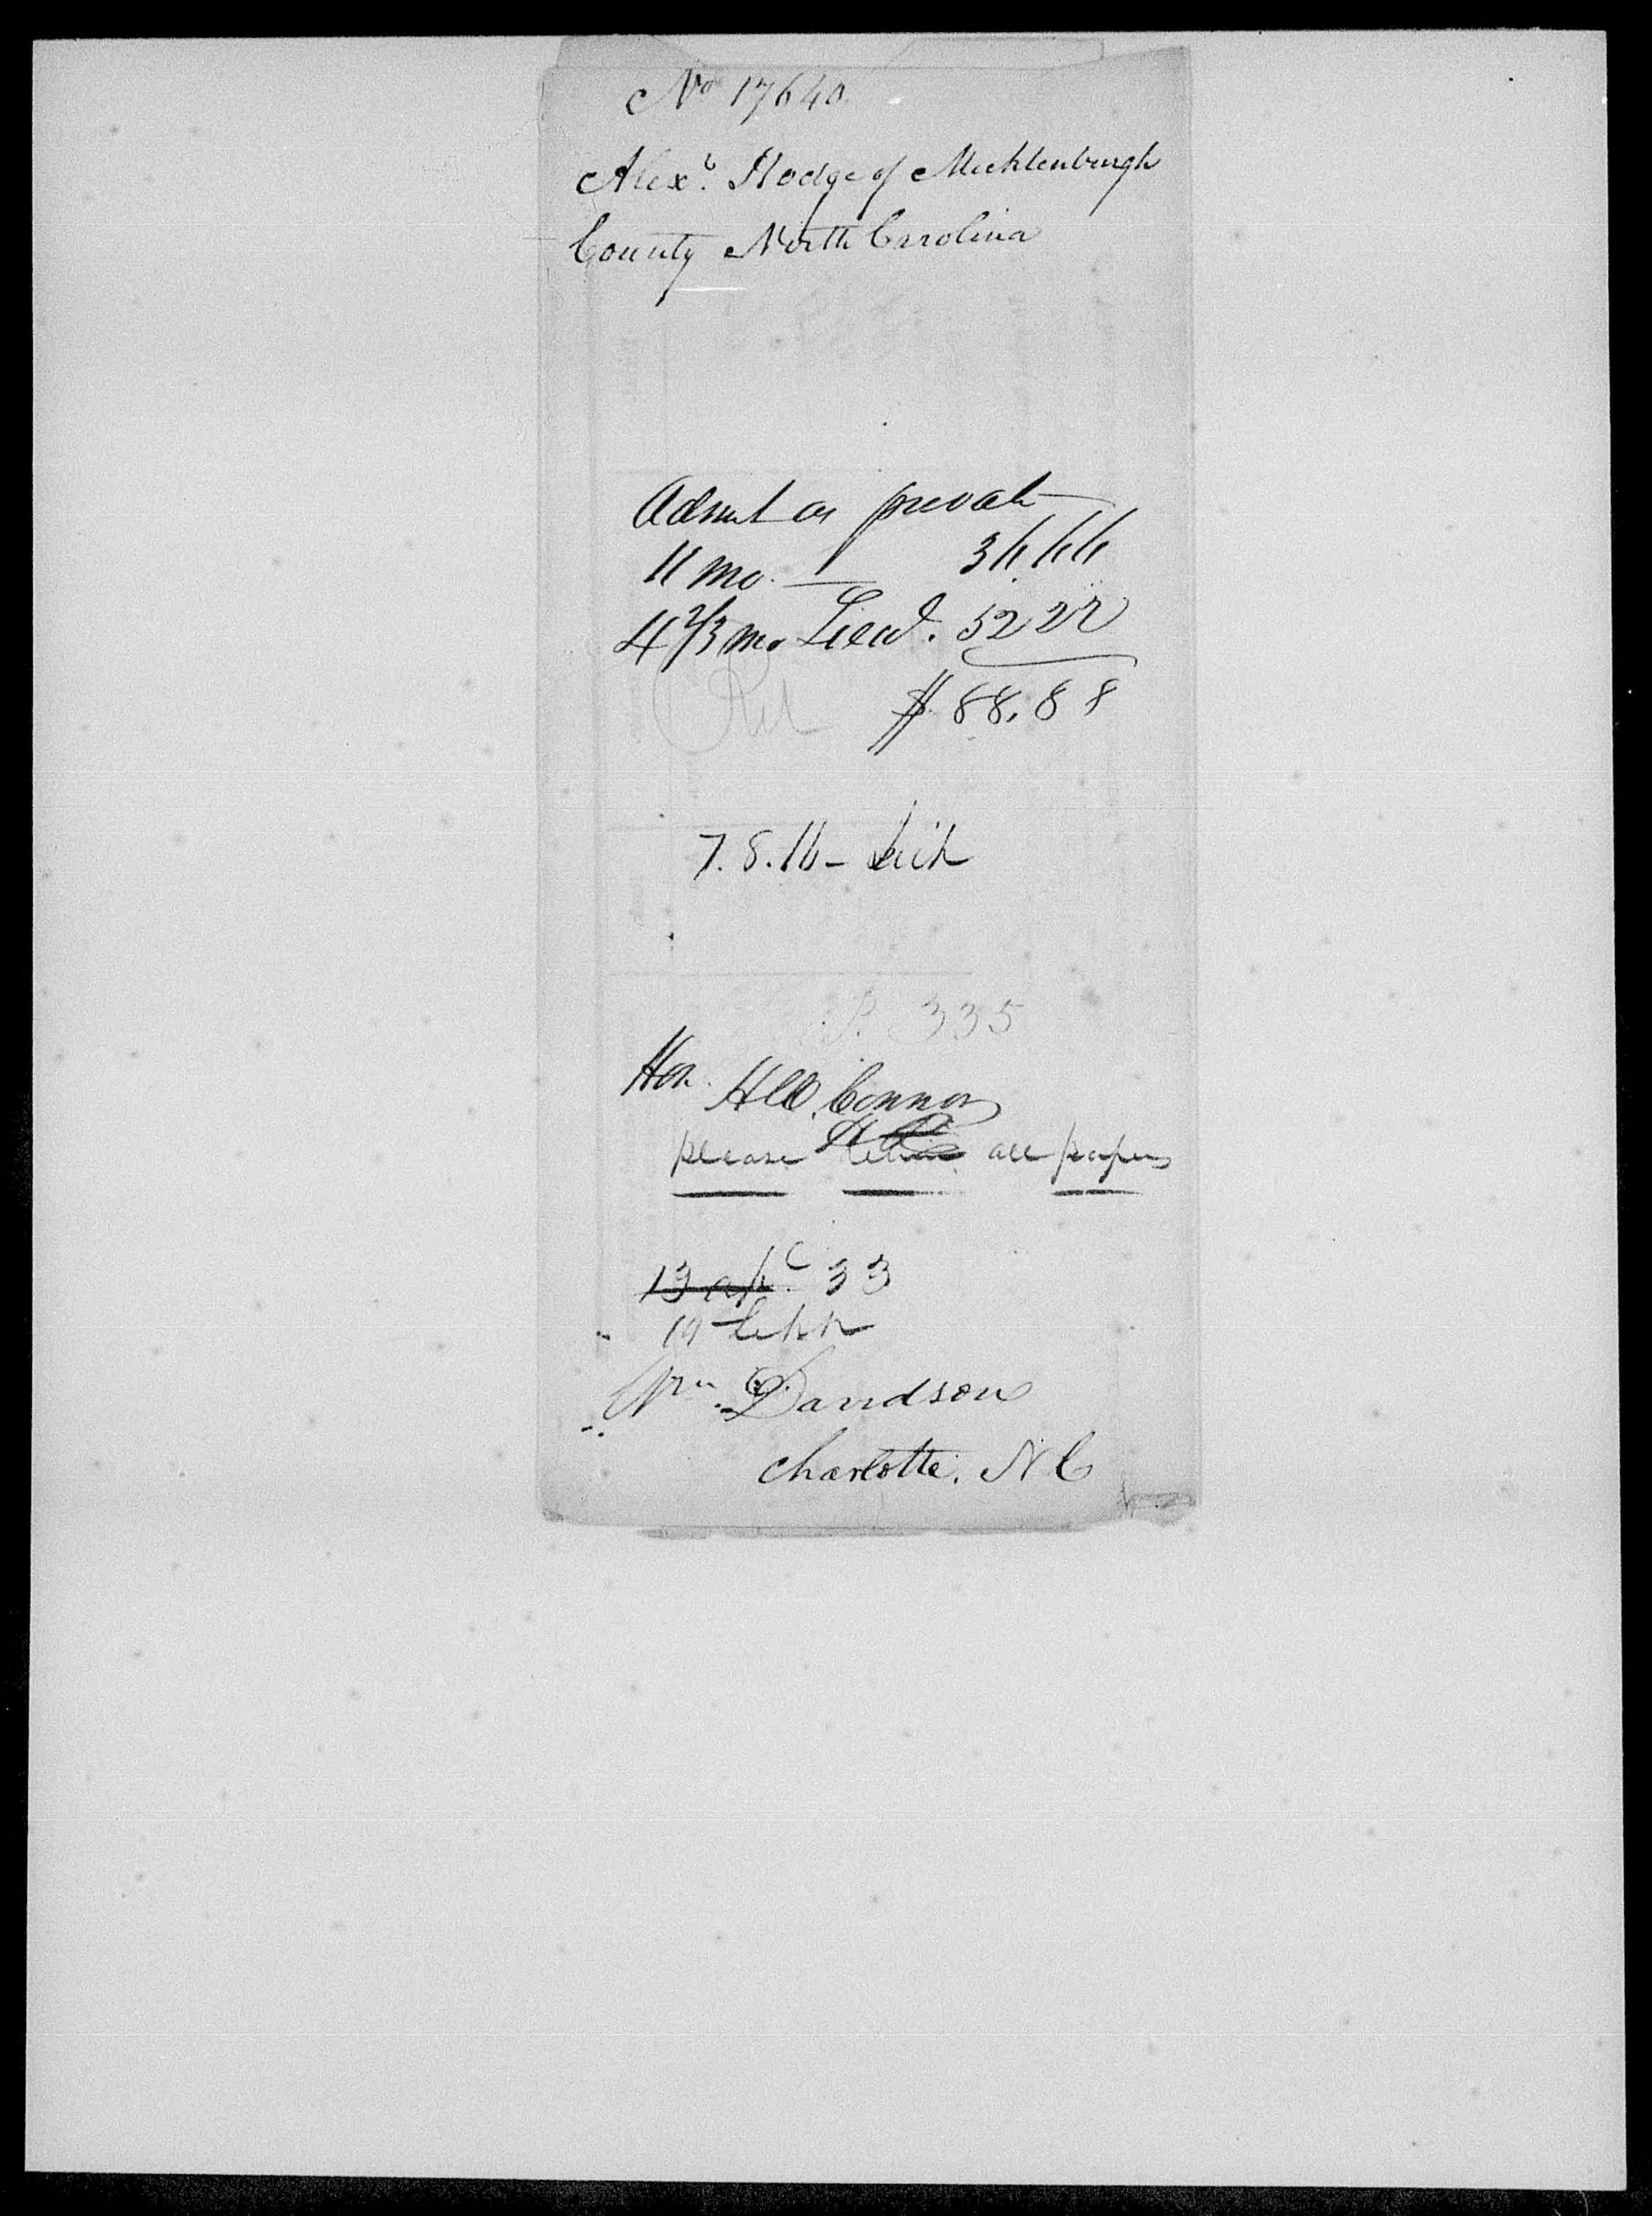No. 17640
Alexr. Hodge of Mecklenburgh County North Carolina

Adment as private
11 mo – 		                 36.66
4 2/3 mo Lieut		         52.22
			               $88.88

7.8.16 – Leiut

P.335
Hon. H W Connor
HR
Please [illegible] all papers

(crossed out: 13 as) c 33
14 Lihn
Wm Davidson
Charlotte, NC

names: H W Connor, Alexr Hodge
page: 3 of 14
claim: survivor's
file: S. 8737, Alexander Hodge, N.C.